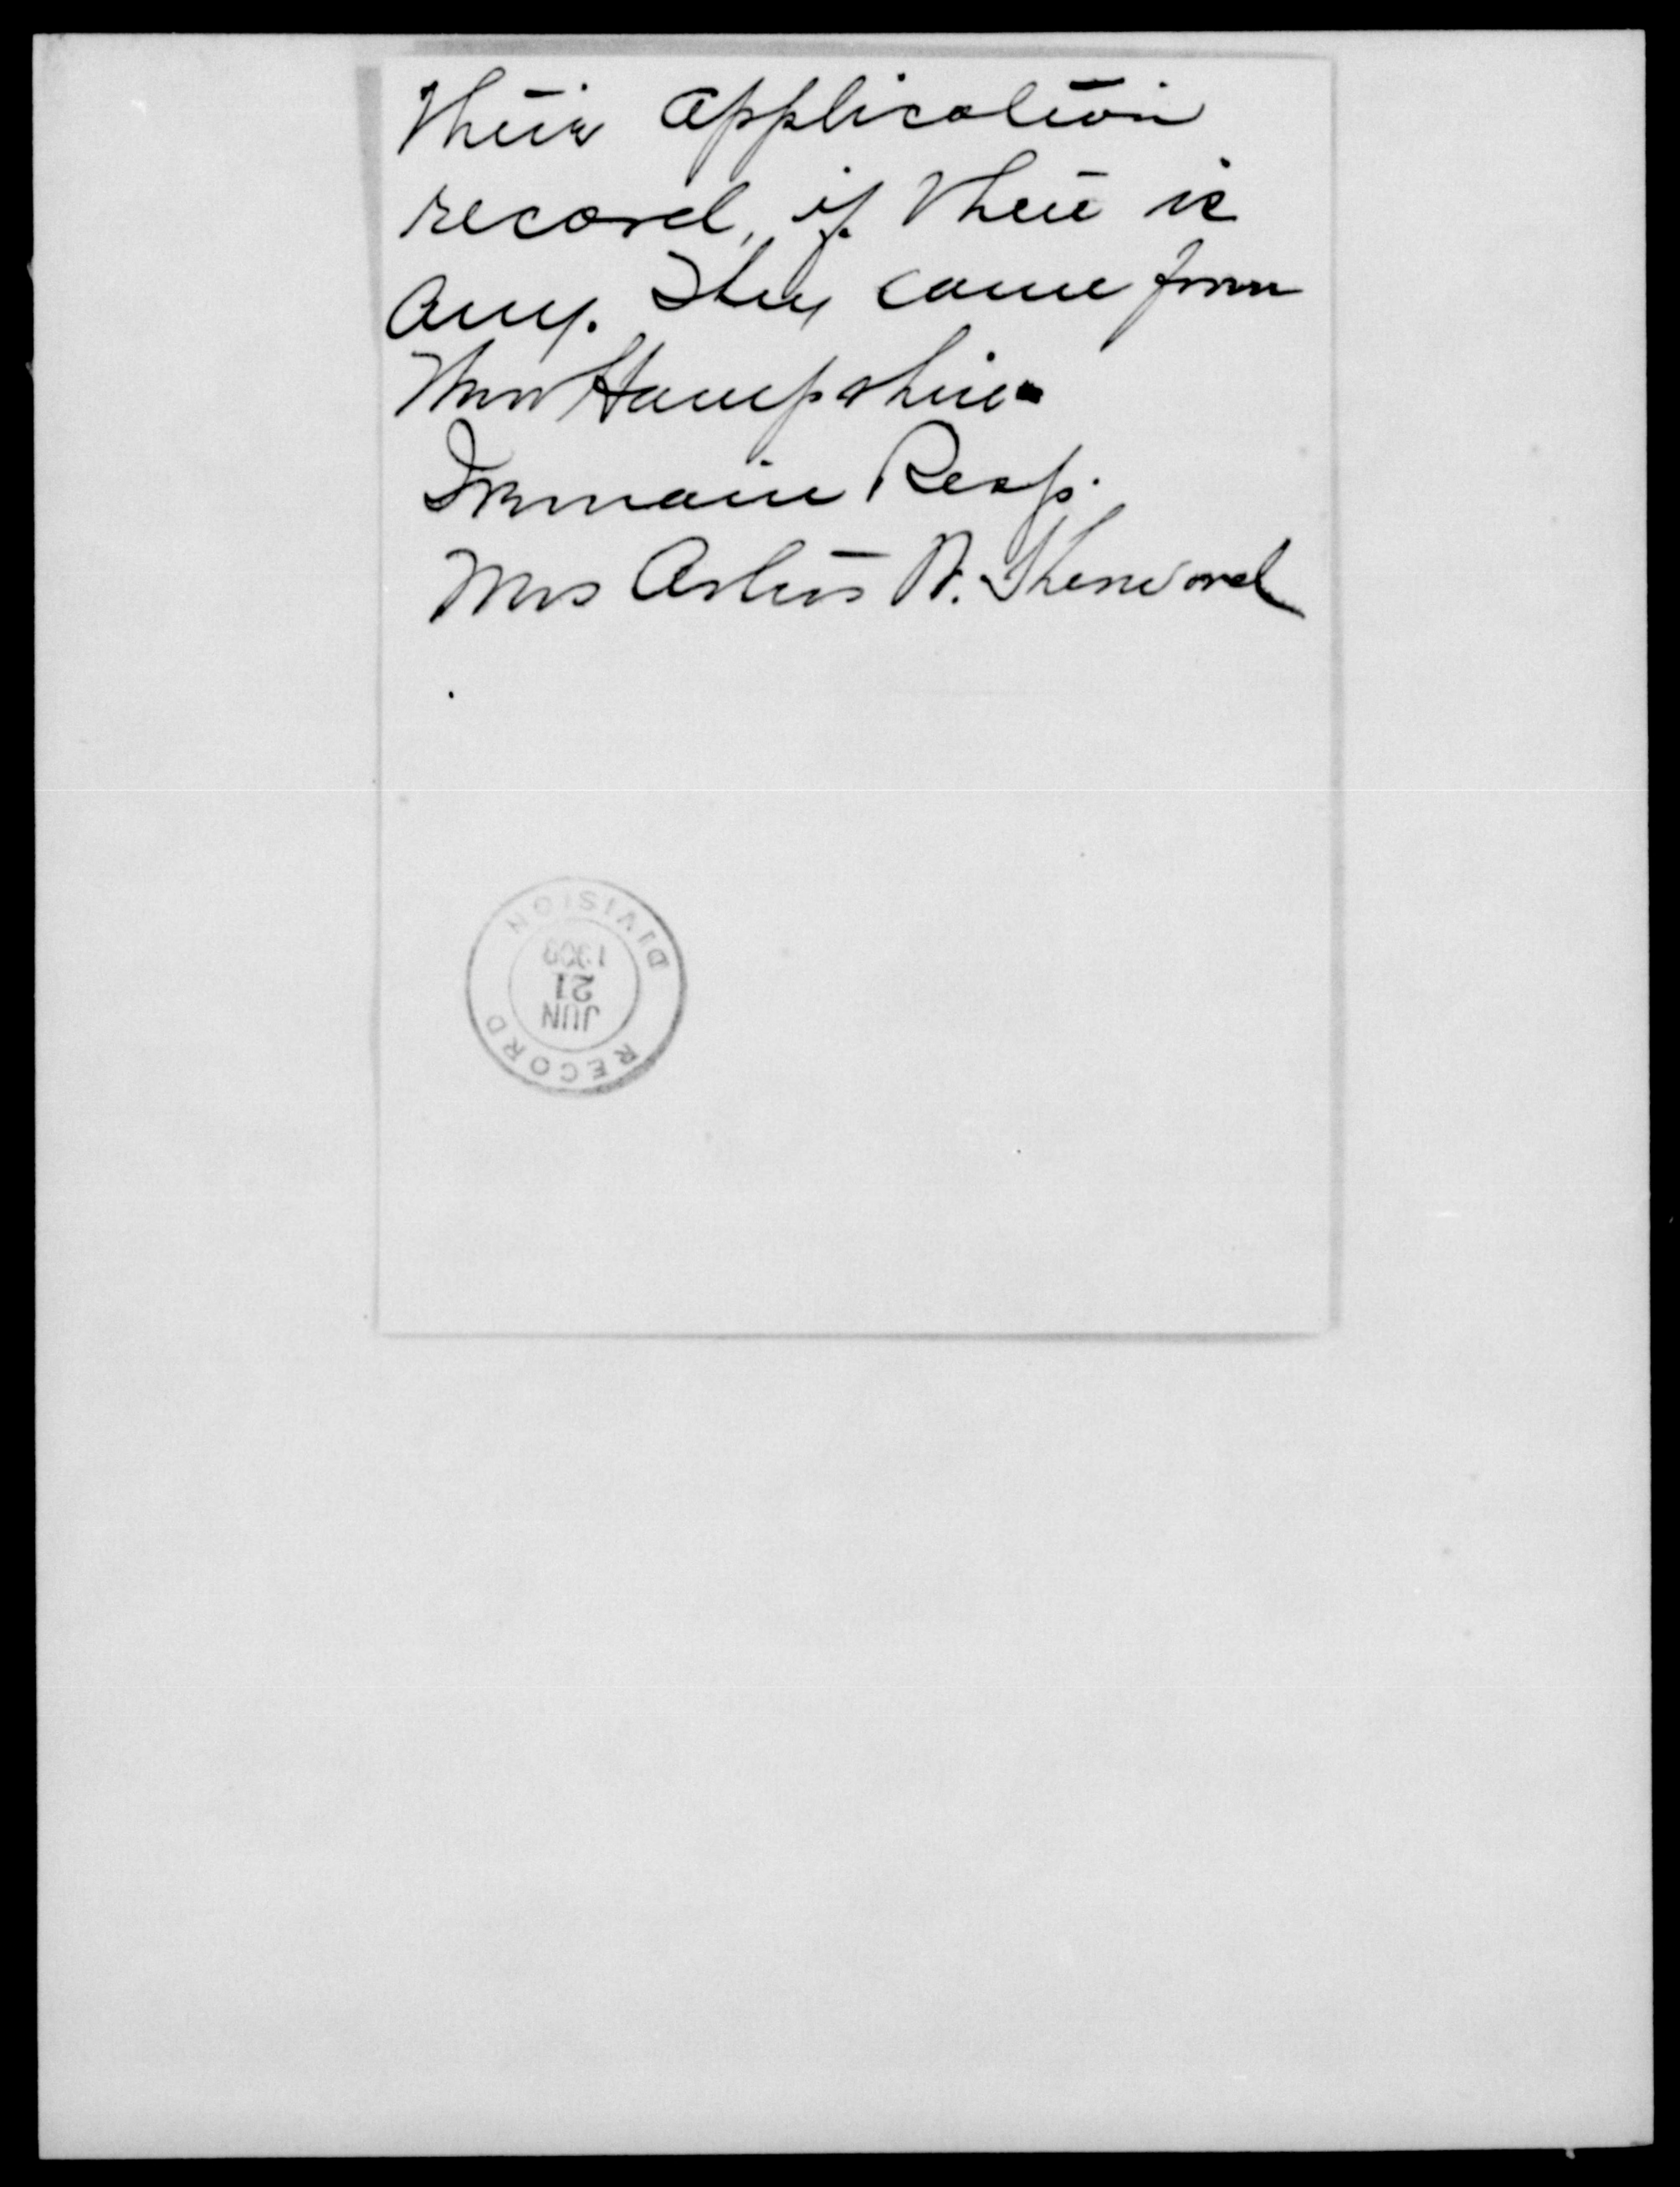their
application
record if there is
Any.
they came from
New Hampshire
I remain Resp
Mrs Arlen W. Sherword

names: Artus W Sherword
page: 17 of 25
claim: survivor's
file: S. 43137, for Daniel Shepard, New Hampshire